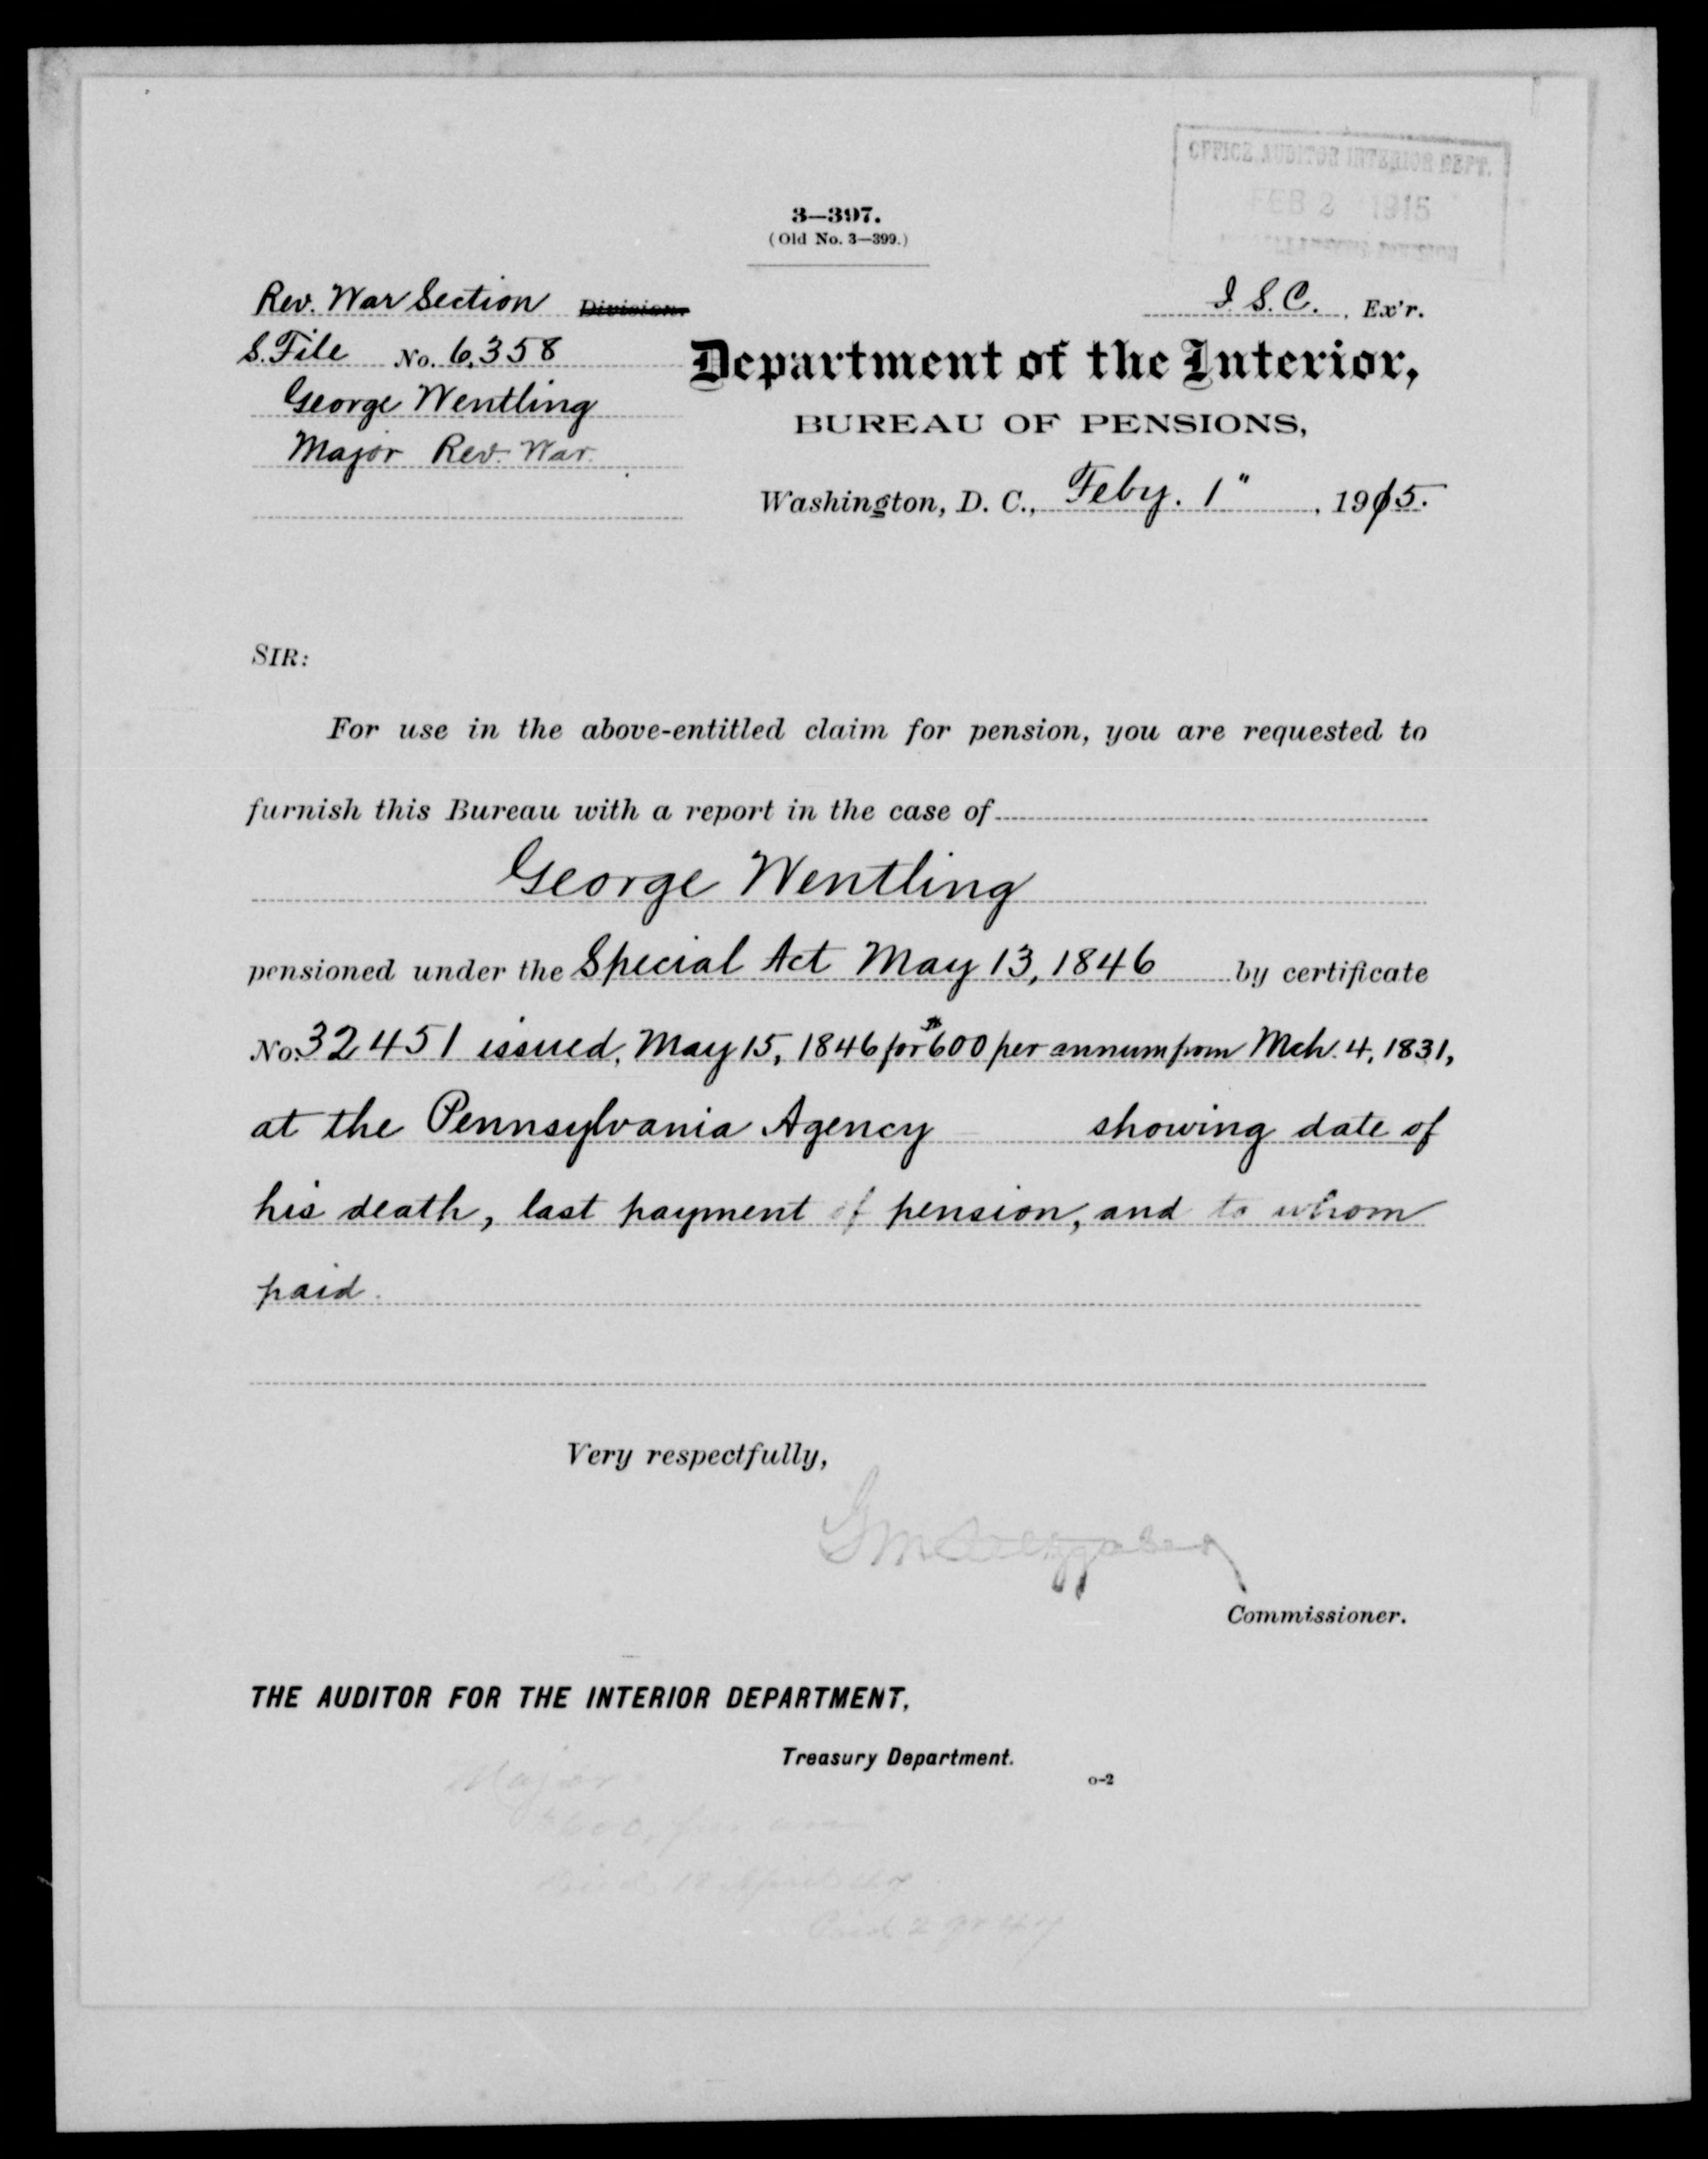OFFICE AUDITOR INTERIOR DEPT.
FEB 2 1915
[illegible] DIVISION
3-397.
(Old No. 3 -399.)
Rev. War Section  [{Division} crossed out] J.S.C. ,  Ex'r.
S. File No. 6358
George Wentling
Major Rev. War

Department of the Interior,
BUREAU OF PENSIONS.
Washington, D.C., Feby. 1, 1905.

SIR:
For use in the above-entitled claim for pension, you are requested to furnish this Bureau with a report in the case of George Wentling pensioned under the Special Act May 13, 1846 by certificate
No. 32451 issued, May 15, 1846 for $600 per annum from Mch. 4, 1831, at the Pennsylvania Agency showing date of his death, last payment of pension, and to whom paid.
Very respectfully,
G M Saltzgaber
Commissioner.

THE AUDITOR FOR THE INTERIOR DEPARTMENT.
Treasury Department.
o-2
Major
$600, per annum
Died 18 April ' 47
Paid 2 Apr '47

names: G W Saltzgaber, George Wentling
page: 33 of 68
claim: survivor's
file: S. 6,358, George Wentling, Penn.